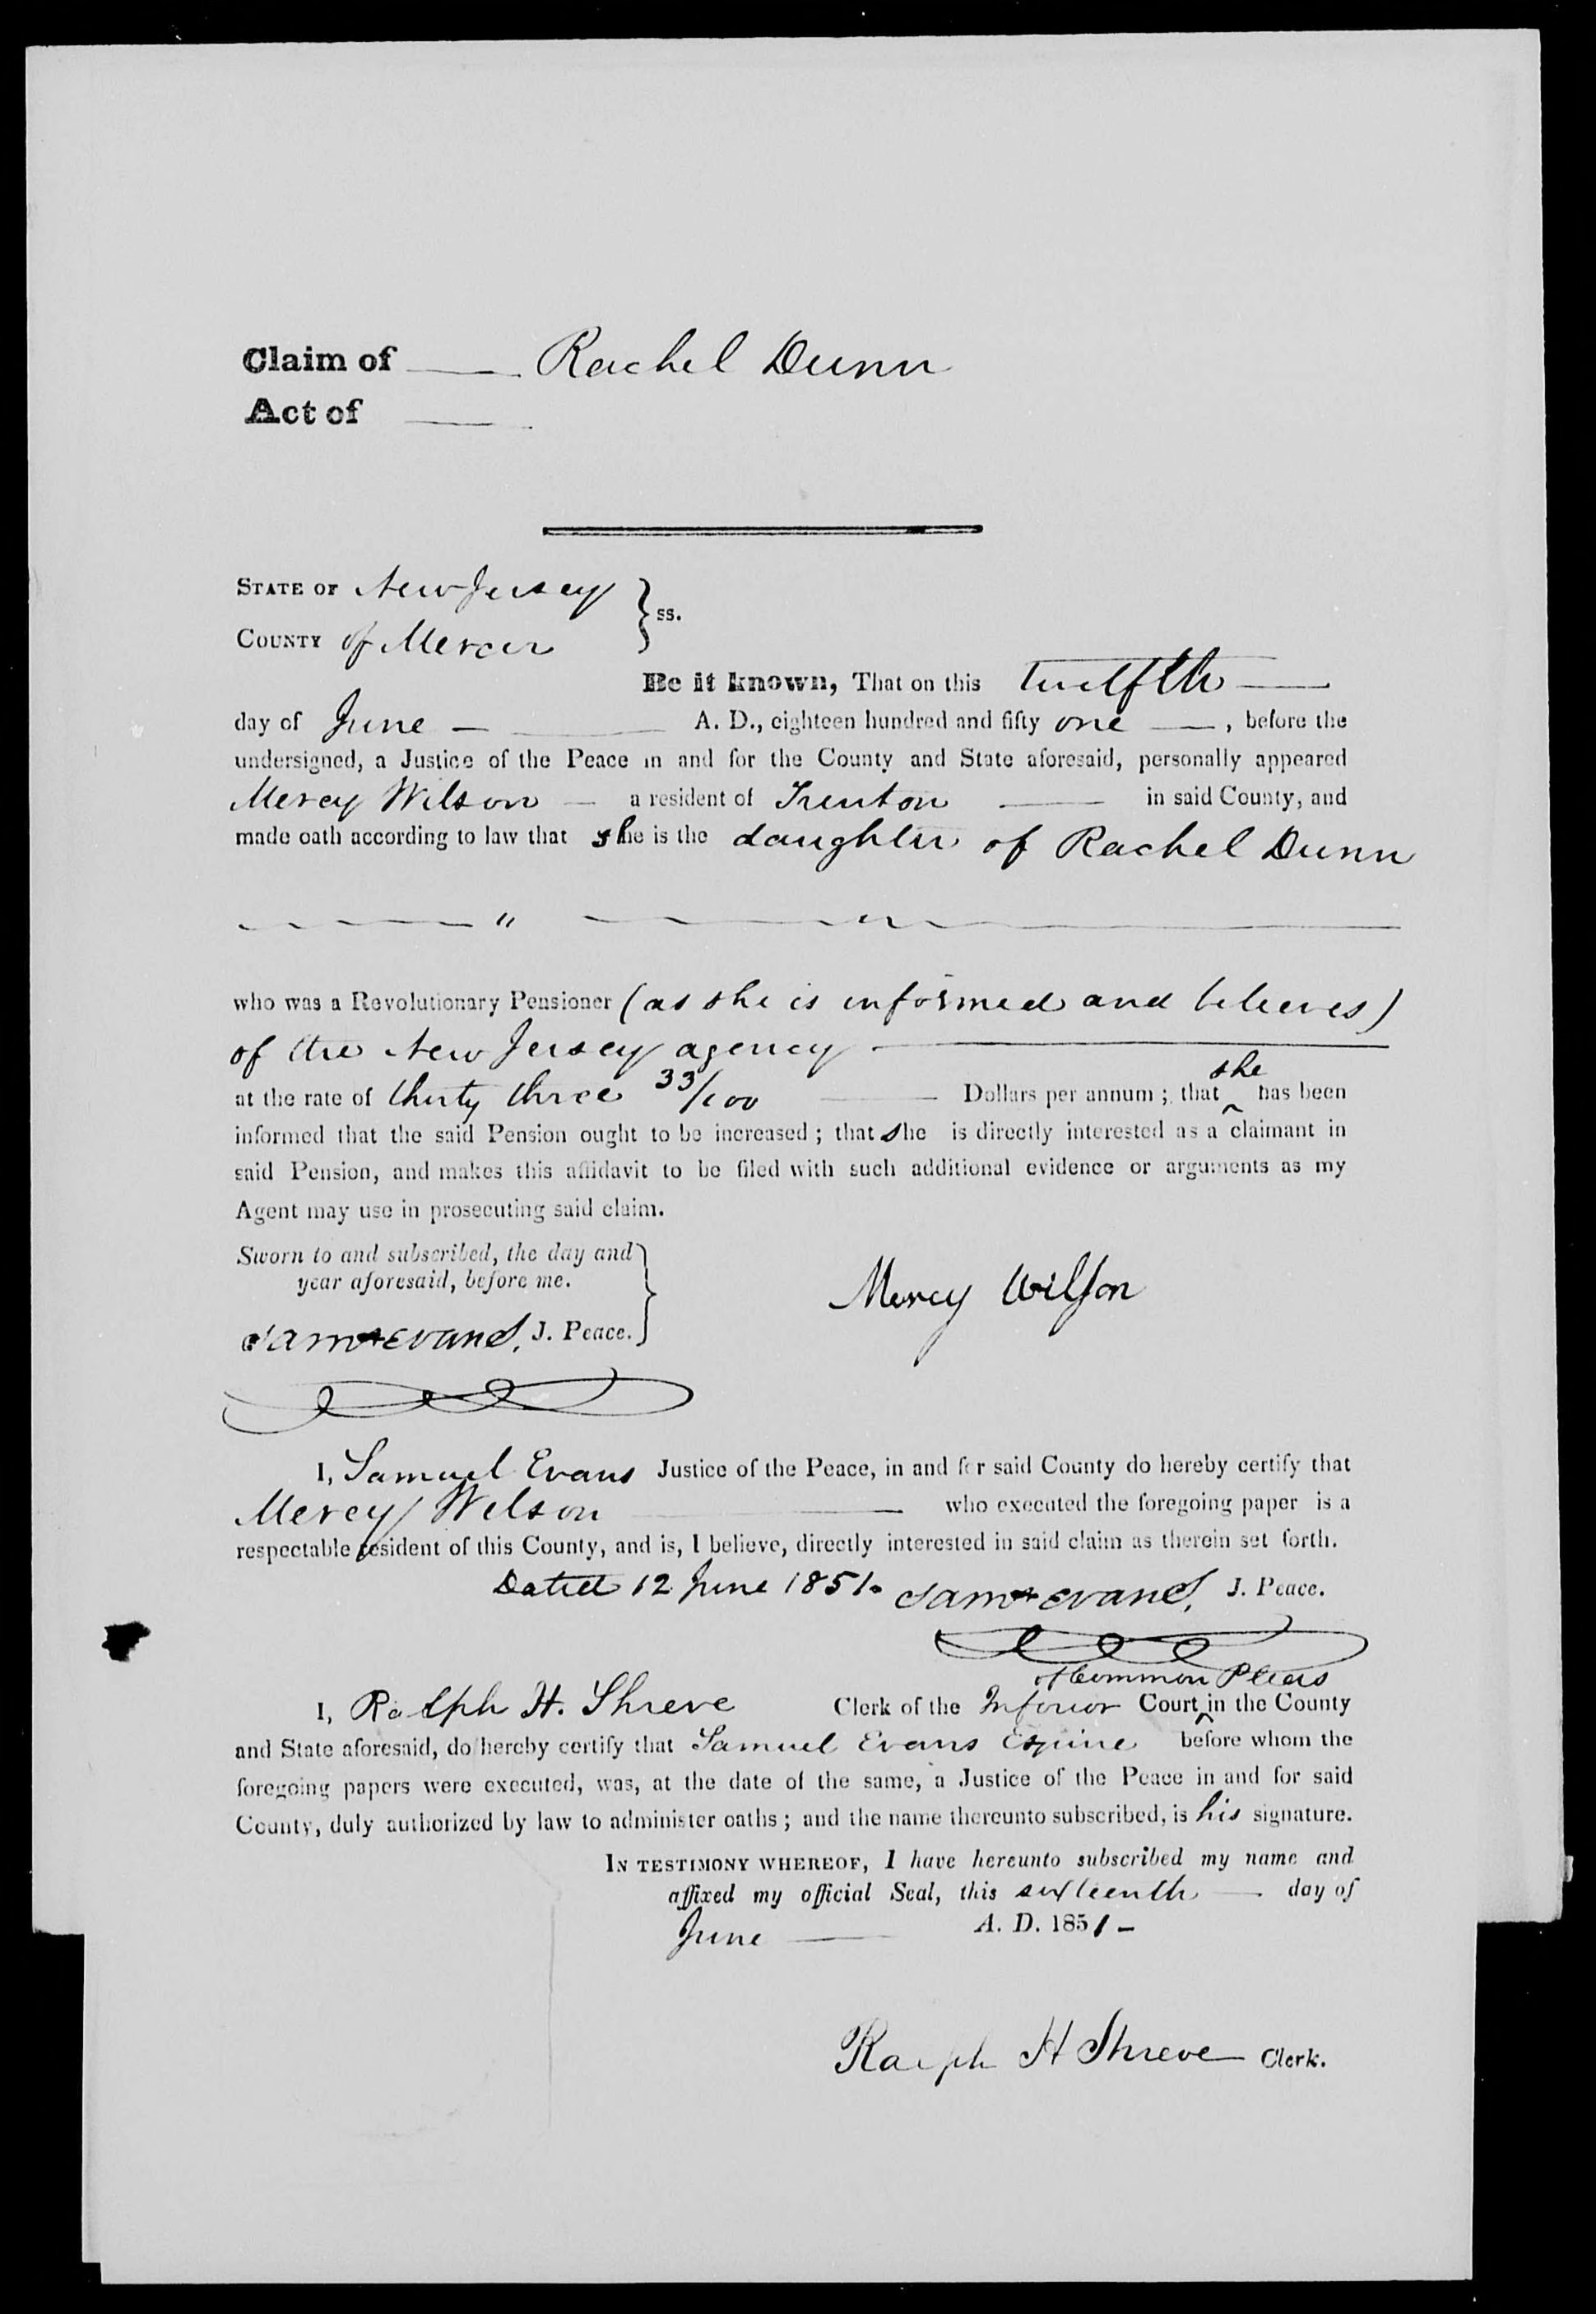Claim ---  of Rachel Dunn
Act of ---
-----------------
STATE of New Jersey }
County of Mercer } ss.
day of June --
Be it Known, That on this twelfth day of June 
A. D., eighteen hundred and fifty one, before the undersigned, a Justice of the Peace in and for the County and State aforesaid, personally appeared Mercy Wilson a resident of Trenton
in said County, and made oath according to law that she is the daughter of Rachel Dunn
----------------------
who was a Revolutionary Pensioner (as she is informed and believes) of the New Jersey agency at the rate of thirty three 33/100 Dollars per annum; that she has been informed that the said Pension ought to be increased; that she is directly interested as a claimant in said Pension, and makes this affidavit to be filed with such additional evidence or arguments as my Agent may use in prosecuting said claim.
Mercy Wilson

Sworn to and subscribed, the day and
year aforesaid, before me.
Saml Evans J. Peace.

I, Samuel Evans Justice of the Peace, in and for said County do hereby certify that Mercy Wilson who executed the foregoing paper is a
respectable resident of this County, and is, I believe, directly interested in said claim as therein set forth.
Dated 12 June 1851. Saml Evans, J. Peace

I Ralph H. Shreve Clerk of the Inferior Court Common Pleas in the County and State aforesaid, do hereby certify that Samuel Evans Esquire before whom the foregoing papers were executed, was, at the date of the same, a Justice of the Peace in and for said County, duly authorized by law to administer oaths; and the name thereunto subscribed is his signature.

IN TESTIMONY WHEREOF, I have hereunto subscribed my name and affixed my official Seal this sixteenth day of June- A. D. 1851-
Ralph H Shreve Clerk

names: Rachel Dunn, Saml Evans, Samuel Evans, Saml Evans, Mercy Wilson, Ralph H Shreve, Mercy Wilson, Mercy Wilson, Rachel Dunn, Samuel Evans, Ralph H Shreve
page: 21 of 52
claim: widow's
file: W. 919, Joel Dunn, New Jersey